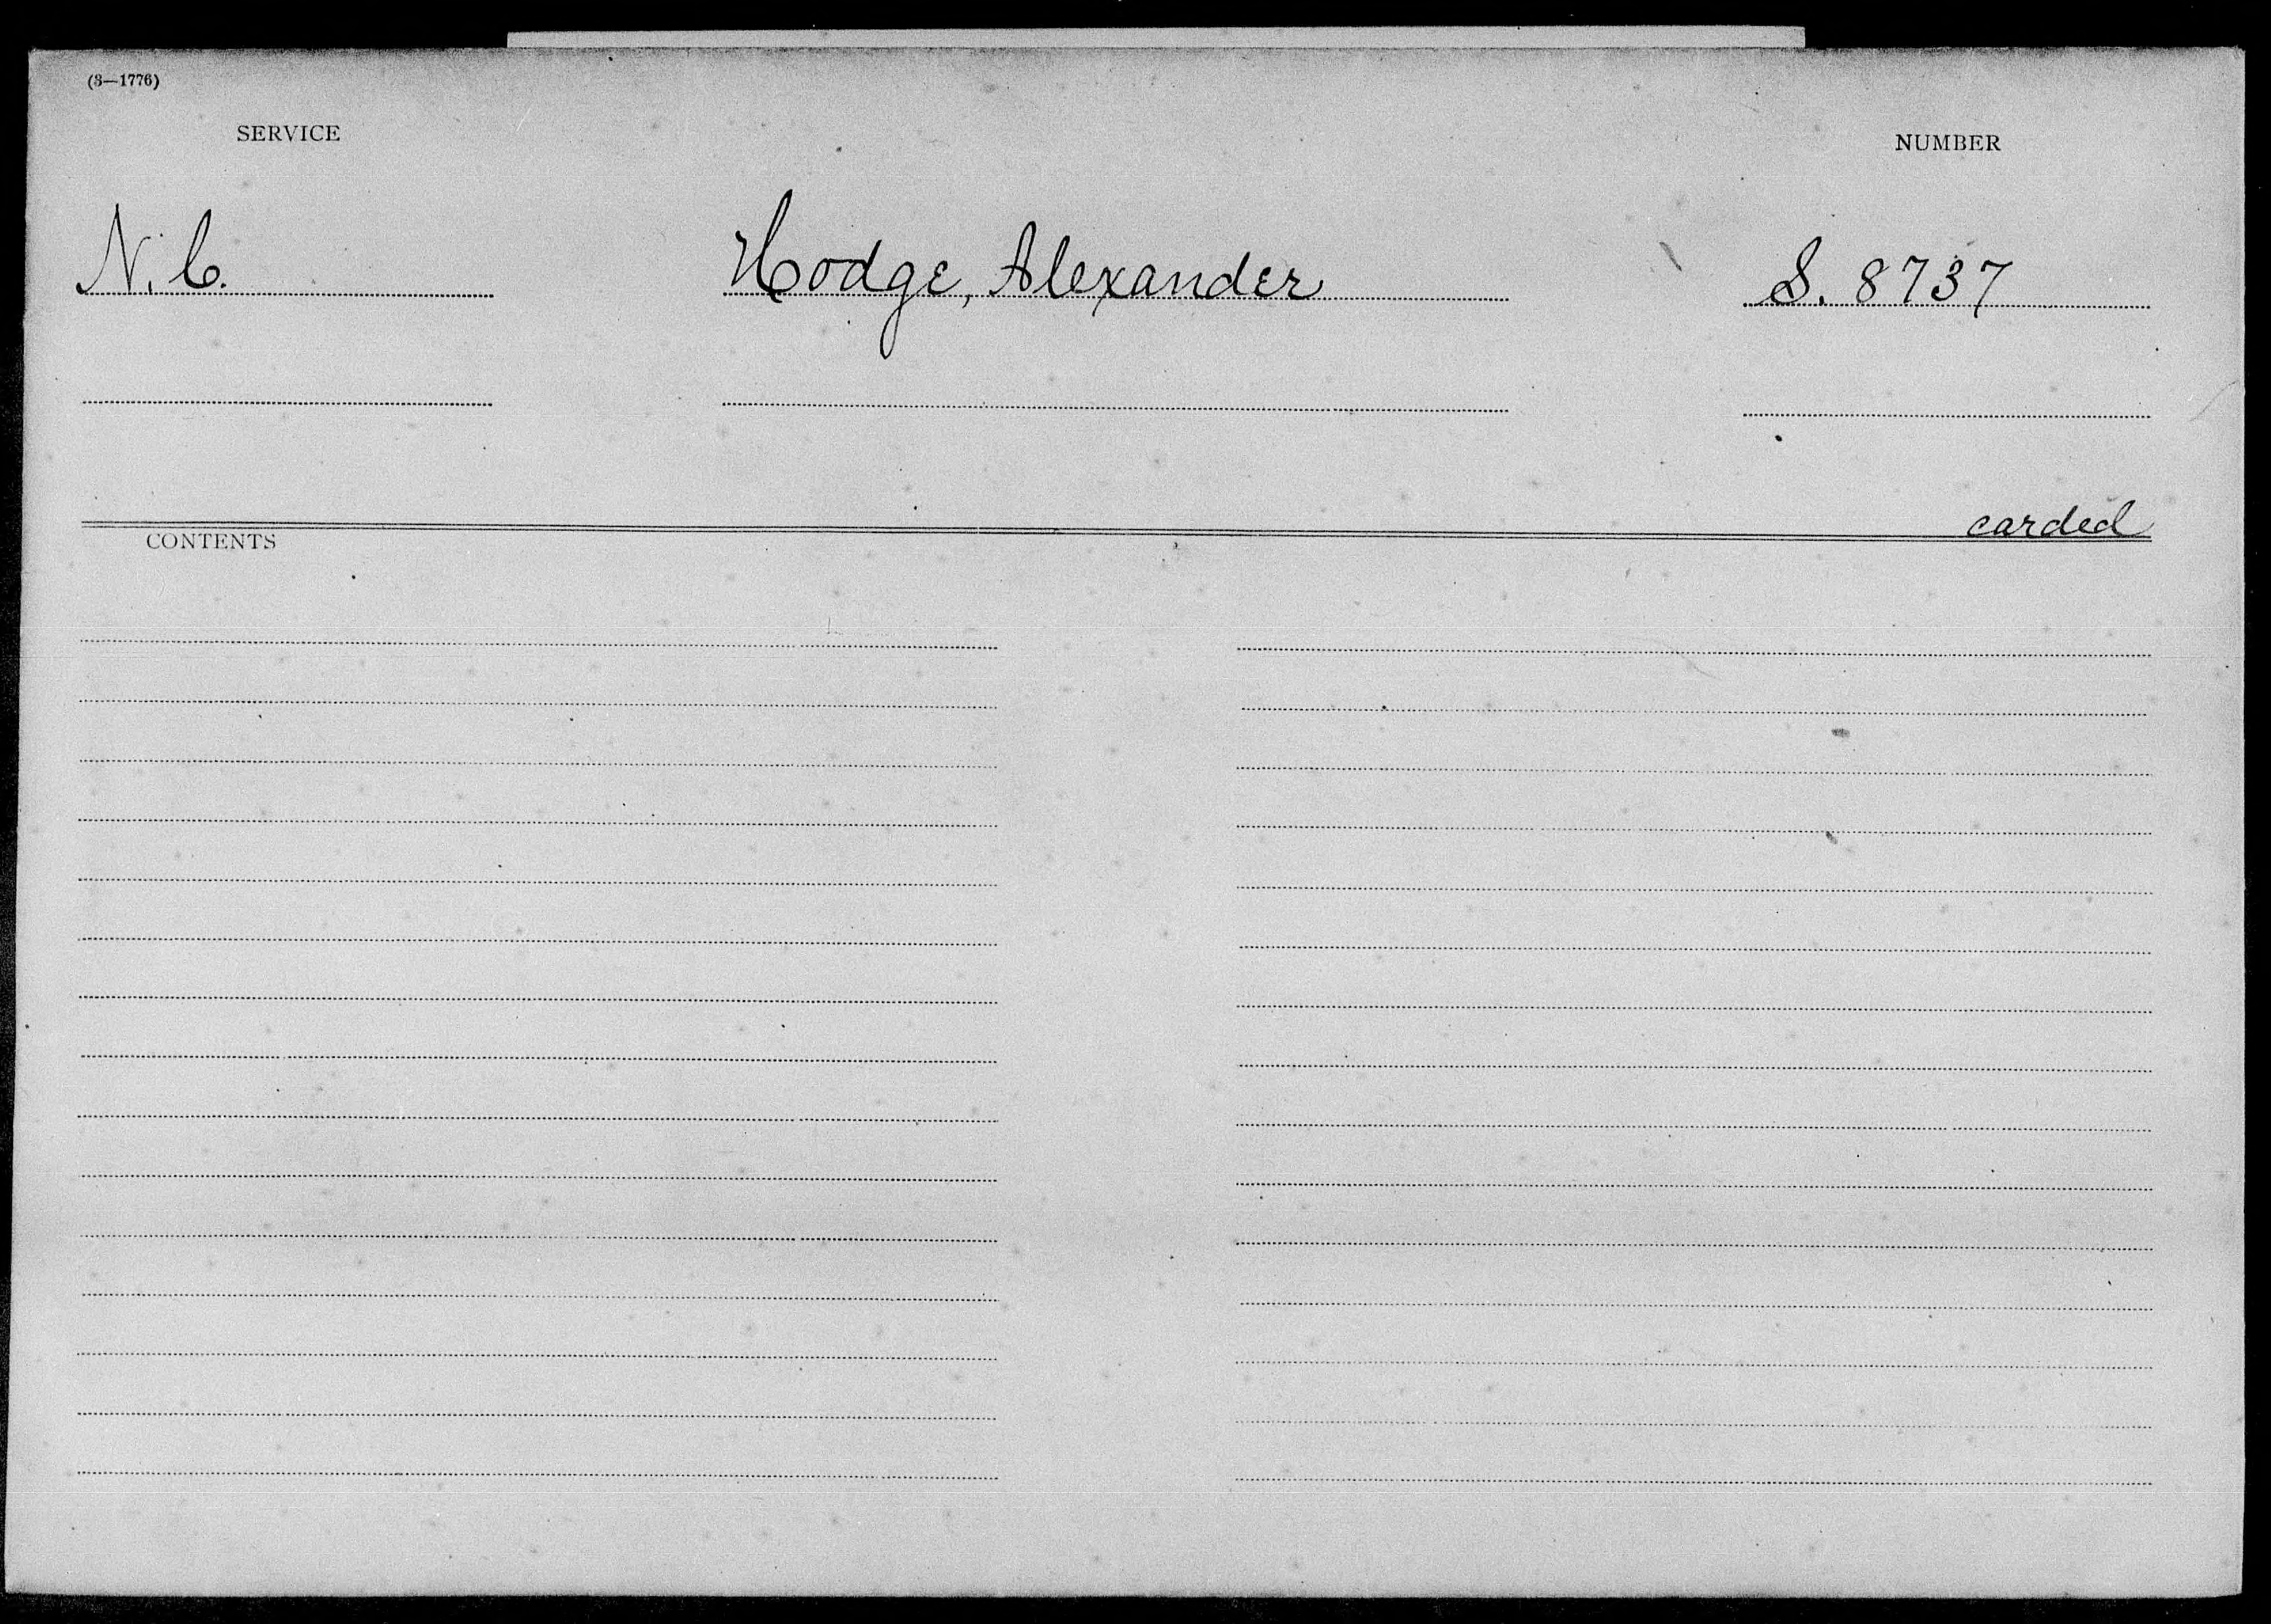(8-1776)				

Service							Number
N.C.			Hodge, Alexander		S. 8737

Carded

CONTENTS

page: 1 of 14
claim: survivor's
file: S. 8737, Alexander Hodge, N.C.